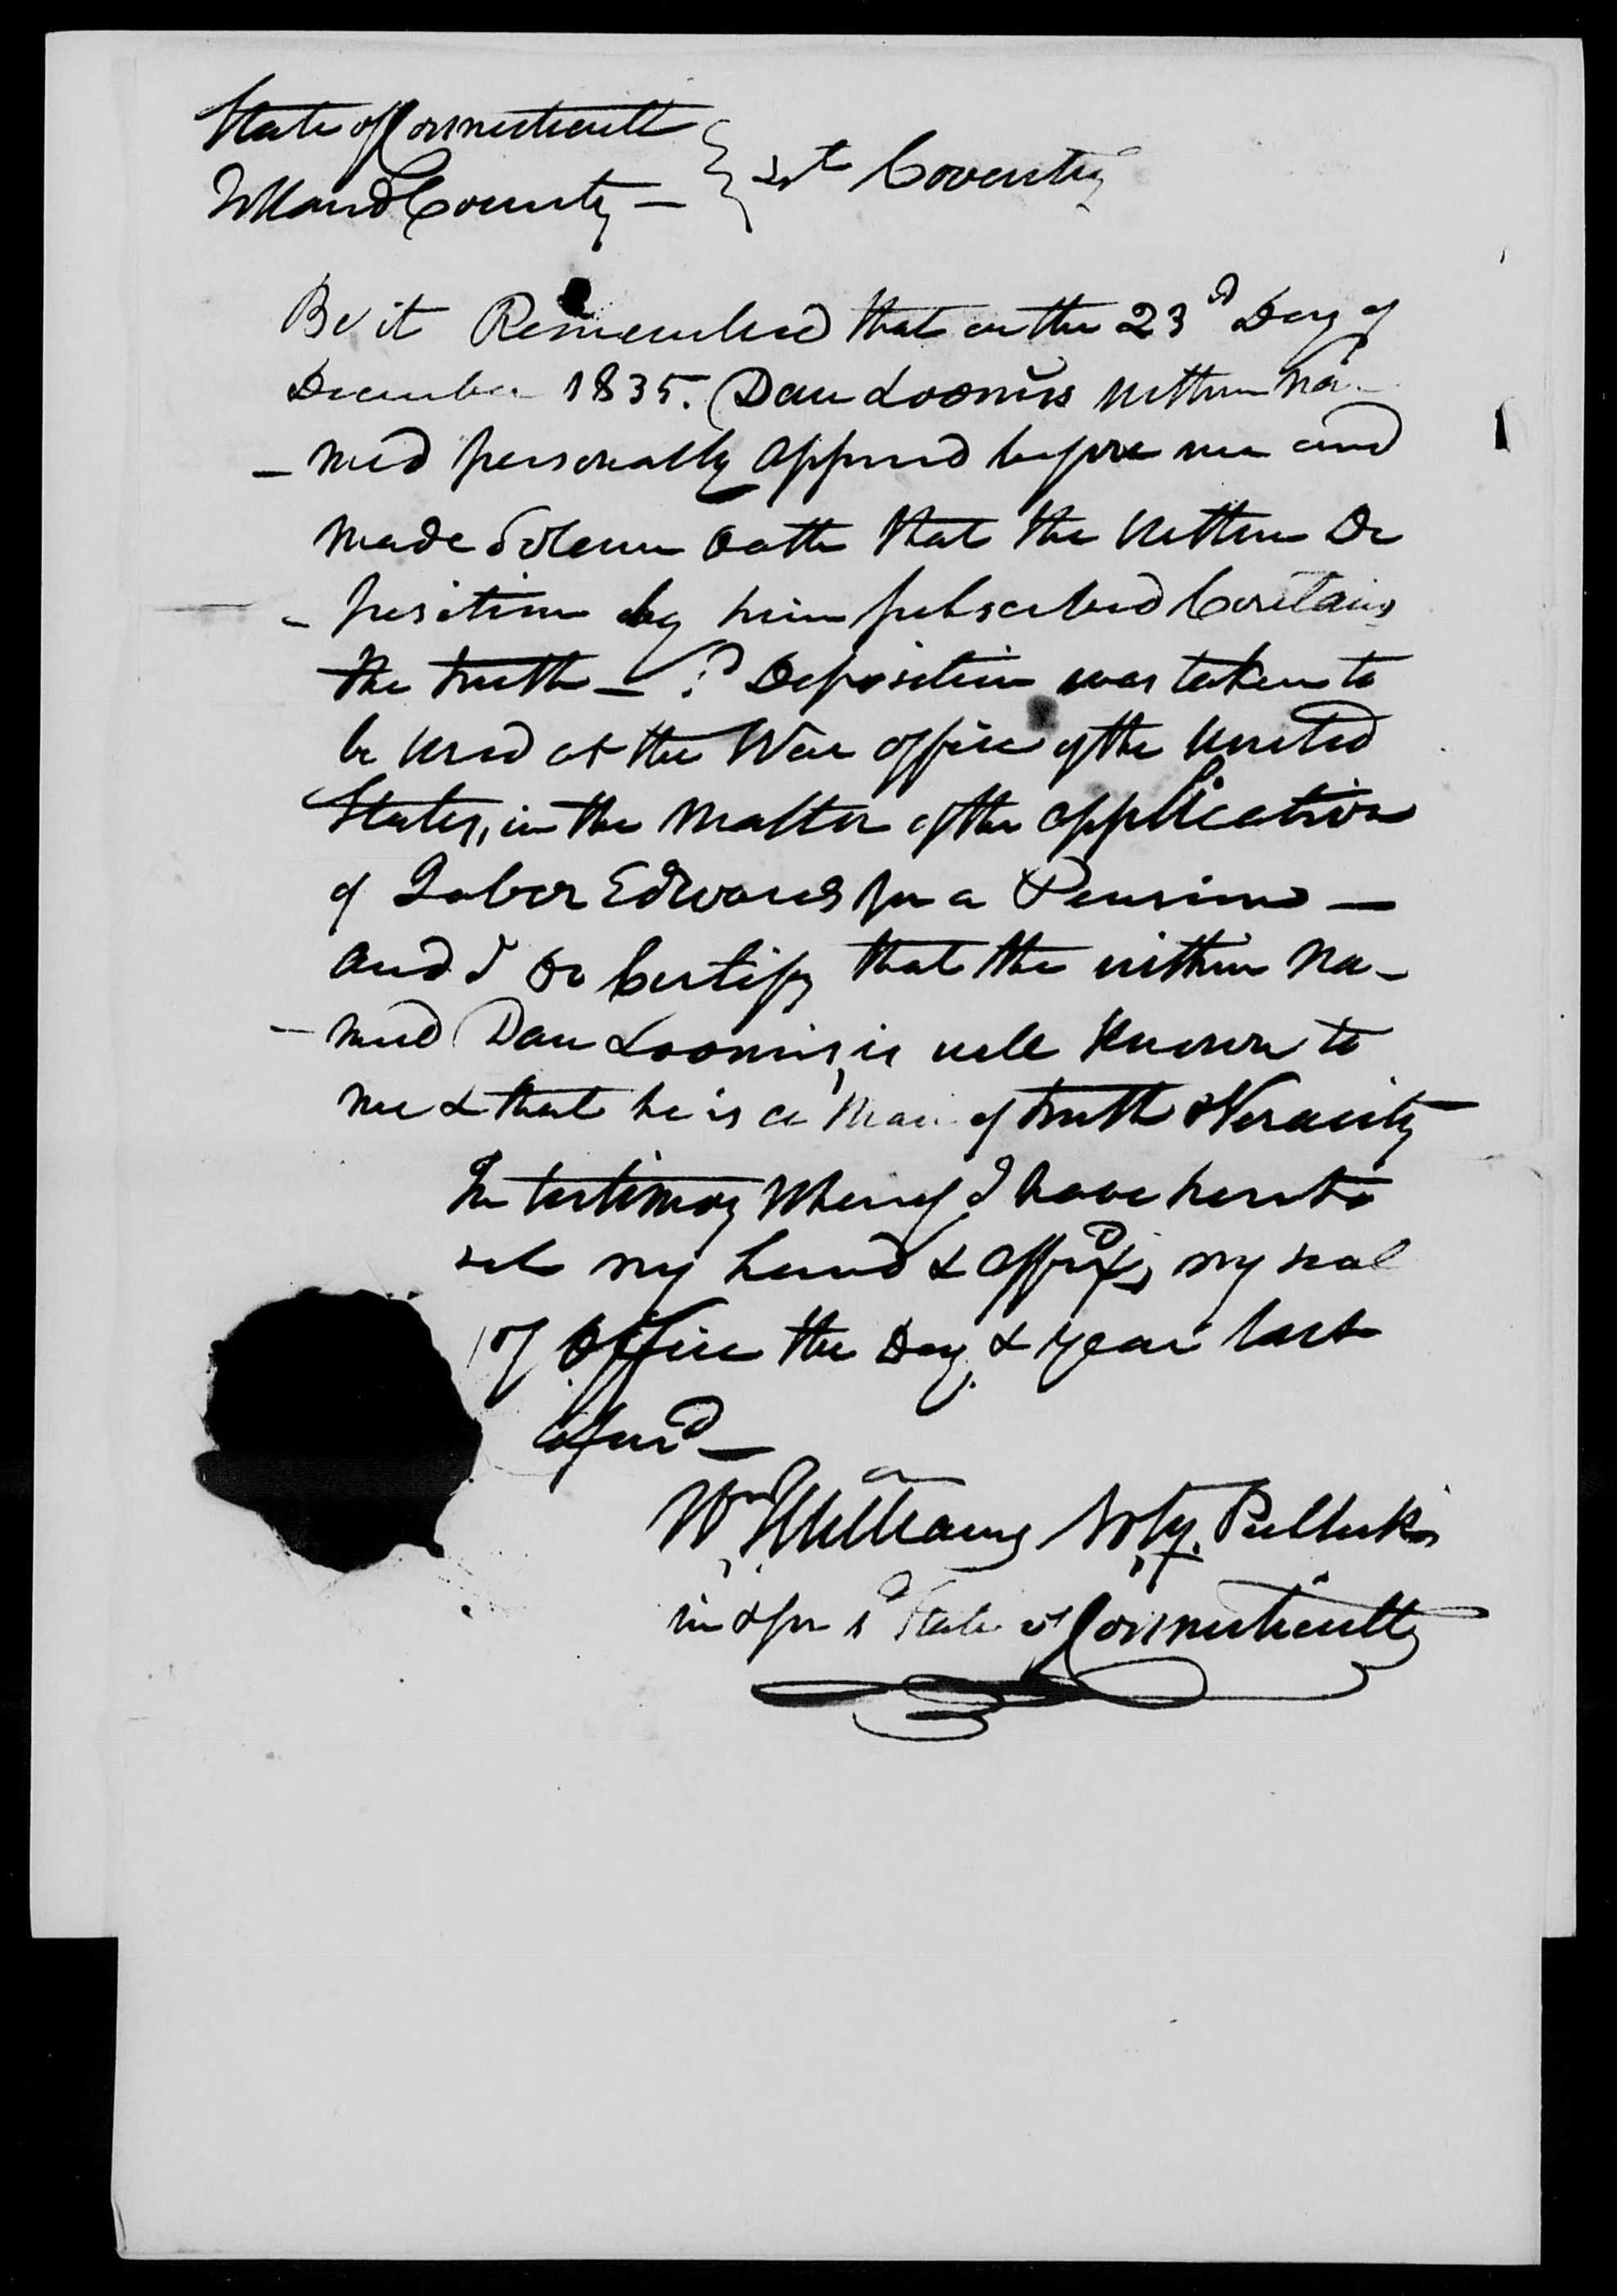State of Connecticut
Tolland County
1st Coventry

Be it remembered that on the 23rd day of December 1835. Dan Loomis within named personally appeared before me and made solemn oath that the written deposition by him prescribed contains the truth. Said deposition was taken to be heard at the War Office of the United States, in the matter of the application of Jabez Edwards for a pension. And I do certify that the within named Dan Loomis is well known to me & that he is a man of truth & veracity.

In testimony whereof I have hereto set my hand & affixed my seal of office the day & year  last aforesaid.

Wm. Williams, Notary Public
in aforesaid State of Connecticut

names: Dan Loomis, Dan Loomis, Wm T Williams, Jabez Edwards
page: 22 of 50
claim: survivor's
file: S 10607, Jabez Edwards, Conn.